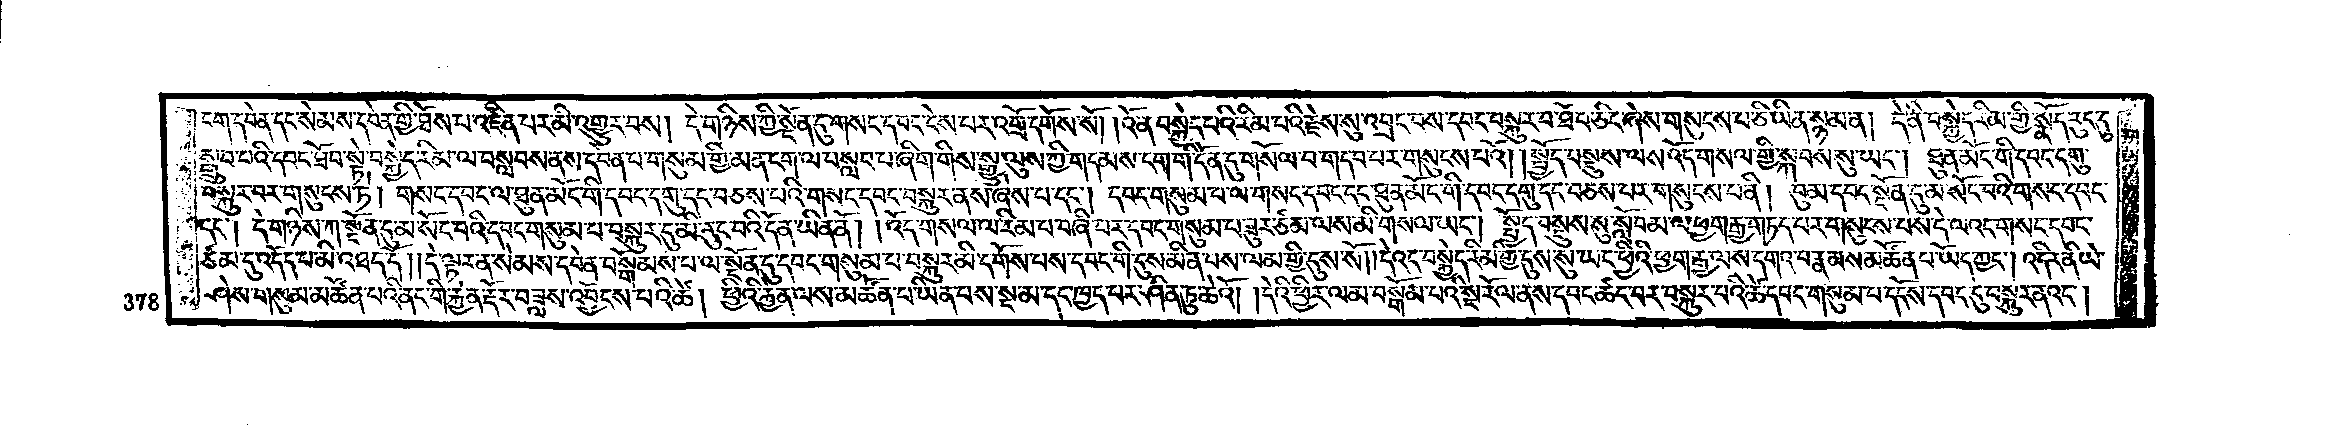ངག་དབེན་དང་སེམས་དབེན་གྱི་ཐོས་པ་འཛིན་པར་མི་འགྱུར་བས། དེ་གཉིས་ཀྱི་སྔོན་དུ་གསང་དབང་ངེས་པར་འགྲོ་དགོས་སོ། །འོ་ན་བསྐྱེད་པའི་རིམ་པའི་རྗེས་སུ་འབྲང་བས་དབང་བསྐུར་བ་ཐོབ་ཅིང་ཞེས་གསུངས་པ་ཅི་ཡིན་སྙམ་ན། དེ་ནི་བསྐྱེད་རིམ་གྱི་སྣོད་རུང་དུ་
སྒྲུབ་པའི་དབང་ཐོབ་སྟེ་བསྐྱེད་རིམ་ལ་བསླབས་ནས་དབེན་པ་གསུམ་གྱི་མན་ངག་ལ་བསླབ་པ་ཞིག་གིས་སྒྱུ་ལུས་ཀྱི་གདམས་ངག་གི་དོན་དུ་གསོལ་བ་གདབ་པར་གསུངས་པའོ། །སྤྱོད་བསྡུས་ལས་འོད་གསལ་གྱི་སྐབས་སུ་ཡང་། ཐུན་མོང་གི་དབང་དགུ་དབང་?
བསྐུར་བར་གསུངས་ཏེ། གསང་དབང་ལ་ཐུན་མོང་གི་དབང་དགུ་དང་བཅས་པའི་གསང་དབང་བསྐུར་ནས་ཞེས་པ་དང་། དབང་གསུམ་པ་ལ་གསང་དབང་དང་ཐུན་མོང་གི་དབང་དགུ་དང་བཅས་པར་གསུངས་པ་ནི། བུམ་དབང་སྔོན་དུ་མ་སོང་བའི་གསང་དབང་
དང་། དེ་གཉིས་ཀ་སྔོན་དུ་མ་སོང་བའི་དབང་གསུམ་པ་བསྐུར་དུ་མི་རུང་བའི་དོན་ཡིན་ནོ། །འོད་གསལ་ལ་རིམ་པ་བཞི་པར་དབང་གསུམ་པ་ཟུར་ཙམ་ལས་མི་གསལ་ཡང་། སྤྱོད་བསྡུས་སུ་སློབ་མ་ལ་ཕྱག་རྒྱ་གཏད་པར་གསུངས་པས་དེ་ལའང་གསང་དབང་?
ཙམ་དུ་འདོད་པ་མི་འཐད་དོ། །དེ་ལྟར་ན་སེམས་དབེན་བསྒོམས་པ་ལ་སྔོན་དུ་དབང་གསུམ་པ་བསྐུར་མི་དགོས་པས་དབང་གི་དུས་མིན་པས་ལམ་གྱི་དུས་སོ། །དེའང་བསྐྱེད་རིམ་གྱི་དུས་སུ་ཡང་ཕྱིའི་ཕྱག་རྒྱ་ལས་དགའ་བ་རྣམས་མཚོན་པ་ཡོད་ཀྱང་། འདིར་ནི་ཡེ་
ཤེས་གསུམ་མཚོན་པའི་ནང་གི་རྐྱེན་རྡོར་བཟླས་འབྱོངས་པའི་ཚེ། ཕྱིའི་རྐྱེན་ལས་མཚོན་པ་ཡིན་པས་སྔ་མ་དང་ཁྱད་པར་ཤིན་ཏུ་ཆེའོ། །དེའི་ཕྱིར་ལམ་བསྒོམ་པའི་སྔ་རོལ་ནས་དབང་ཚང་བར་བསྐུར་བའི་ཚེ་དབང་གསུམ་པ་དངོས་དབང་དུ་བསྐུར་ནའང་